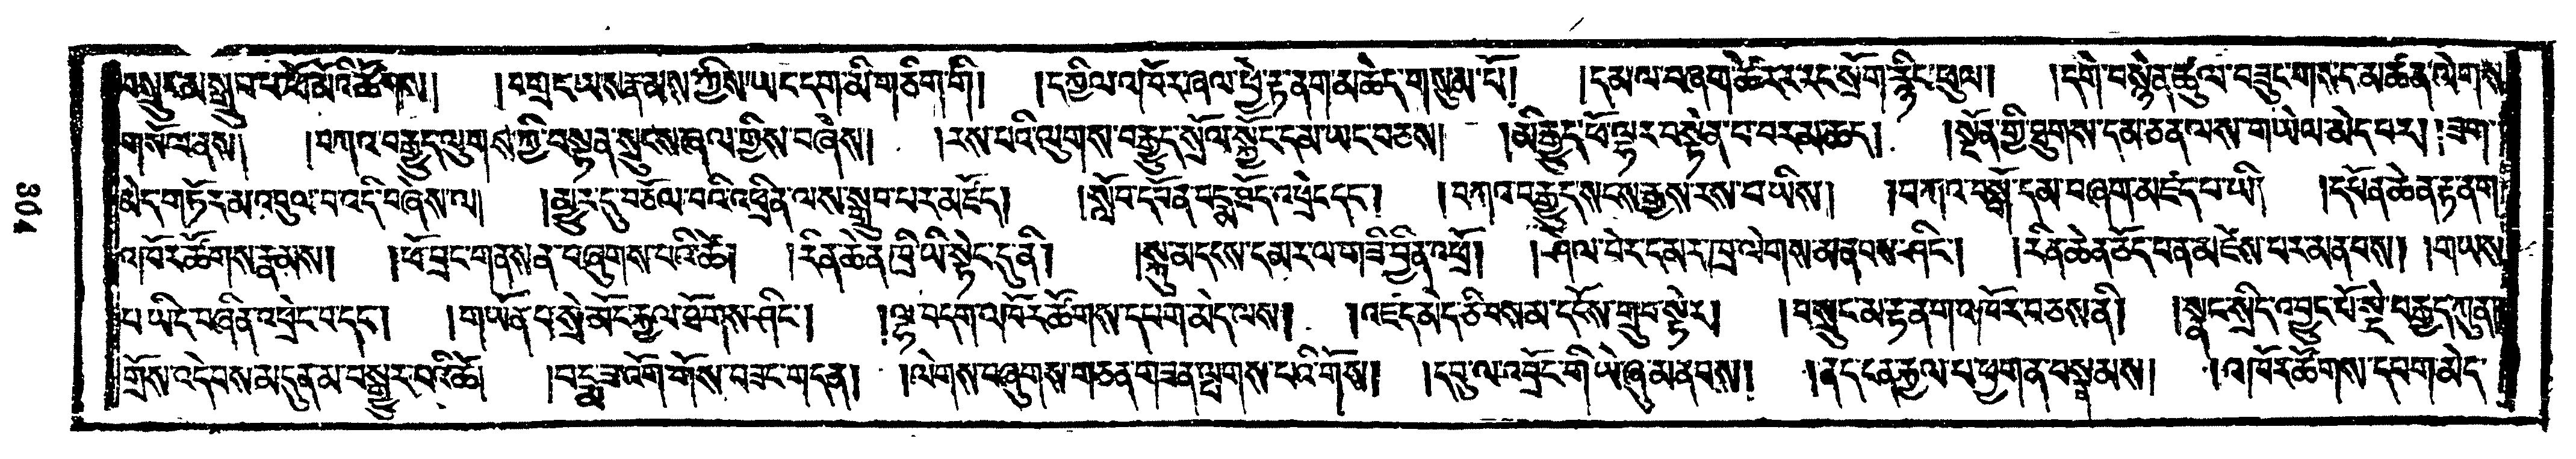བསྲུང་མ་སྒྲུབ་པ་ཕོ་མོའི་ཚོགས། །བགྲང་ཡས་རྣམས་ཀྱིས་ཡང་དག་མི་གཅིག་གི། །དཀྱིལ་འཁོར་ཞལ་ཕྱེ་རྟ་ནག་མཆེད་གསུམ་པོ། །དམ་ལ་བཞག་ཚེར་ར་རང་སྲོག་རྙིང་ཕུལ། །དགེ་བསྙེན་ཚུལ་བཟུང་གསང་མཚན་ལེགས་
གསོལ་ནས། །བཀའ་བརྒྱུད་ལུགས་ཀྱི་བསྟན་སྲུངས་ཞལ་གྱིས་བཞེས། །རས་པའི་ལུགས་བརྒྱུད་སྲོལ་སྐྱོང་དམ་ཡང་བཅས། །མི་རྒྱུད་ཕོ་ལྷར་བསྟེན་བ་བར་མ་ཆད། །སྔོན་གྱི་ཐུགས་དམ་ཅན་ལས་གཡེལ་མེད་པར། །ཟག་
མེད་གཏོར་མ་འབུལ་བ་འདི་བཞེས་ལ། །མྱུར་དུ་བཅོལ་བའི་འཕྲིན་ལས་སྒྲུབ་པར་མཛོད། །སློབ་དཔོན་པདམ་ཐོད་འཕྲེང་དང་། །བཀའ་བརྒྱུད་སངས་རྒྱས་རས་བ་ཡིས། །བཀའ་བསྒོ་དམ་བཞག་མཛད་པ་ཡི། །དཔོན་ཆེན་རྟ་ནག་
འཁོར་ཚོགས་རྣམས། །ཕོ་བྲང་གནས་ན་བཞུགས་པའི་ཚེ། །རིན་ཆེན་ཁྲི་ཡི་སྟེང་དུ་ནི། །སྐུ་མདངས་དམར་ལ་གཟི་བྱིན་འཕྲོ། །ཤེལ་པེར་དམར་ཁྲ་ལེགས་མནབས་ཤིང་། །རིན་ཆེན་ཅོད་པན་མཛེས་པར་མན་བས། །གཡས་
པ་ཡིད་བཞིན་འཕྲེང་བ་དང་། །གཡོན་པ་སྲེ་མོང་རྒྱལ་ཐོགས་ཤིང་། །ལྷ་བདག་འཁོར་ཚོགས་དཔག་མེད་ལས། །འཛད་མེད་ཅི་བསམ་དངོས་གྲུབ་སྟེར། །བསྲུང་མ་རྟ་ནག་འཁོར་བཅས་ནི། །སྣང་སྲིད་འབྱུང་པོ་སྡེ་བརྒྱད་ཀུན།།
གྲོས་འདེབས་མདུན་མ་བསྒྱུར་བའི་ཚེ། །པདམ་ཟ་འོག་གོས་བཟང་གདན། །ལེགས་བཞུགས་གཅན་གཞན་ལྤགས་པའི་གོས། །དབུ་ལ་འབྲོང་གི་ཡེ་ཞུ་མནབས། །ནད་ངན་རྐྱལ་པ་ཕྱག་ན་བསྣམས། །འཁོར་ཚོགས་དཔག་མེད་